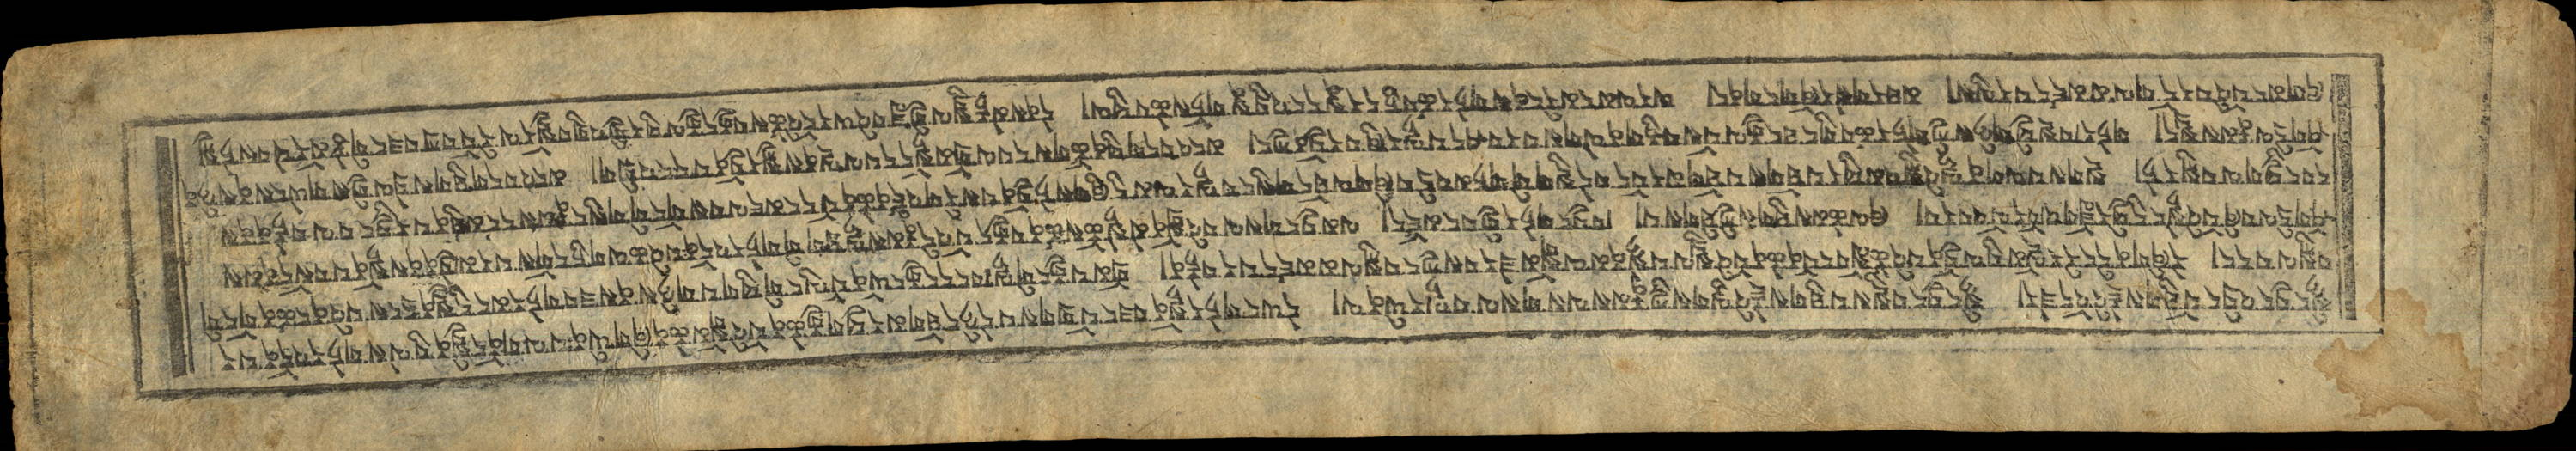སྙིང་བྱང་འབྲིང་པོ་ཐུགས་རྗེའི་འོད་ཟེར། སྙིང་བྱང་བསྡུས་པ་ཐུགས་རྗེའི་ལྕགས་ཀྱུ་རྣམས་ལས་གསལ་བ་ལྟར་ཡིན་ལ། དེ་ཡང་གཏེར་སྟོན་བཟང་པོ་གྲགས་པ་དེ་ཉིད་ཐོག་མར་ཕྱག་རྒྱ་ཆན་པོའི་སྒོམ་ཆེན་ཞིག་ཡིན་པ་ལ་གནོད་སྦྱིན་བུ་ལེས་གཏེར་འདོན་པར་
བསྐུལ་བ་དང་། རེ་ཞིག་ན་དིང་རིར་ལྡོམ་བུ་ལ་བྱོན་པའི་ཚེ་སློབ་དཔོན་ཆེན་པོའི་སྤྲུལ་པ་སྙེ་ནམ་ལ་སྒོམ་ཟེར་བས་ཀྱང་བསྐུལ་མ་མཛད་པར་བརྟེན། གྲོམ་པ་རྒྱང་གི་ལྷ་ཁང་དང་རྒྱང་ཡོན་པོ་ལུང་གི་ཕུག་པ་གཉིས་ནས་ཟབ་གཏེར་མང་དུ་སྤྱན་དྲངས་པའི་ནང་ཚན་གོང་གི་
ཤོག་དྲིལ་བཞི་པོའི་སྟེང་དུ་ཕྱིར་ཟློག་འཁོར་ལོ་འབར་བ། ཞལ་ཆེམས་ཐུགས་ཀྱི་ཐིགས་པ། ཁ་བྱང་གཏེར་གྱི་བང་མཛོད། ལམ་བྱང་གསལ་བའི་སྒྲོན་མེ་སྟེ་ཆོས་ཚན་བརྒྱད་པོ་འདི་རྣམས་ལྷ་བྲག་གི་གཏེར་འདོན་པའི་ཆ་ལག་ཏུ་དགོས་པར་མཁྱེན་ནས་སྟོན་པ་བསོད་ནམས་
དབང་ཕྱུག་ལ་བསྐུར་ཏེ། སྔགས་པ་ལག་ན་ལྷའི་སྐུ་འམ་ཕུན་པ་ཐོགས་པ་ཐོག་མར་བོད་བདེ་སྡུག་གི་གཏམ་འདྲི་བ་ཞིག་ལ་ཐོད་གསུང་བ་ལྟར་ལམ་དུ་ཞུགས་ཏེ་བྱོན་པས་རིག་འཛིན་ཆེན་པོ་དང་མཇལ་བས་གོང་གི་གསུང་རྣམས་དང་མཐུན་པར་བྱུང་བ་ལ་བརྟེན་ནས་
ཐོག་དྲིལ་རྣམས་སྤྲད། གཏེར་ཁ་སྔ་ཕྱི་གཉིས་ཀྱི་གཏེར་ཚབ་གུང་ཐང་རྒྱལ་པོས་བཅུག་ན་ལེགས་པར་བཤད་པ་ལྟར་ཞུ་བར་བྱོན་ཀྱང་། མངའ་བདག་ཕུན་ཚོགས་དཔལ་གྲོམ་སྟོད་དཔལ་ལྡན་ས་ནྶྐྱར་བྱོན་པ་དང་འགྲིག། མངའ་བདག་ཐུགས་བྲེལ་གྱིས་གཡེངས་ནས་ཉིན་
ཞིག་མང་པོའི་བར་དོ་གལ་མ་མཛད་པར་ལུས། མཐར་གསེར་ཞོ་གང་གནང་། ཡར་ལམ་ངམ་རིང་ནས་གཏེར་ཚབ་ཏུ་དར་སྣ་དང་འབྲུ་སྣ་གཏོས་ཆེ་བ་ཕུལ། དེ་ནས་མེ་རྟ་སྦྲུལ་གྱི་ཟླ་བའི་ཡར་ངོའི་ཚེས་བརྒྱད་རྒྱལ་ཕུར་གྱི་འགྲུབ་སྦྱོར་ལ་རི་བོ་བཀྲ་བཟང་གི་རྩེ་མོར་ཕེབས་ཏེ་སྐྱ་